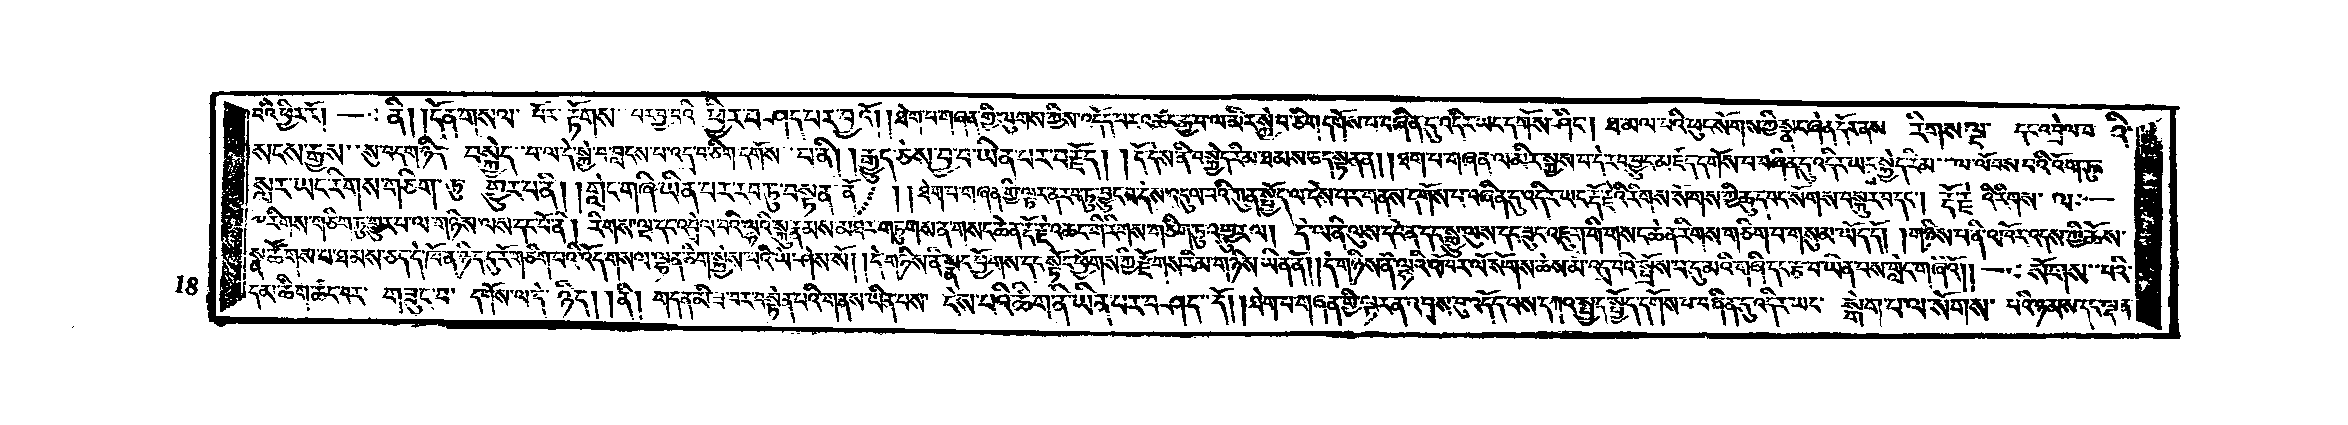བའི་ཕྱིར་རོ། ནི། །དོན་གསལ་པོར་རྟོགས་པར་བྱ་བའི་ཕྱིར་བཤད་པར་བྱའོ། །ཐེག་པ་གཞན་གྱི་ལུགས་ཀྱིས་འདོད་པར་འཚང་རྒྱ་བ་ལ་མིར་སྐྱེ་བ་ཅིག་དགོས་པ་བཞིན་དུ་འདིར་ཡང་དགོས་ཤིང་། ཐ་མལ་པའི་ཕུང་སོགས་ཀྱི་སྣང་ཞེན་དོར་ནས་རིགས་ལྔ་དང་འབྲེལ་བའི་
སངས་རྒྱས་སུ་བདག་ཉིད་བསྐྱེད་པ་ལ་དེ་སྐྱེ་བ་བླངས་པ་འདྲ་བ་ཅིག་དགོས་པ་ནི། །རྒྱུད་ཅེས་བྱ་བ་ཡིན་པར་བརྗོད། །དོ་དེས་ནི་བསྐྱེད་རིམ་ཐམས་ཅད་སྟན་ན། །ཐེག་པ་གཞན་ལ་མིར་སྐྱས་པ་དེ་རབ་བྱུང་མཛད་དགོས་པ་བཞིན་དུ་འདིར་ཡང་སྐྱེད་རིམ་ལ་འཁོས་པའི་འོག་ཏུ་
སླར་ཡང་རིགས་གཅིག་ཏུ་གྱུར་པ་ནི། །གླེང་གཞི་ཡིན་པར་རབ་ཏུ་བསྟན་ནོ། །ཐེག་པ་གཞན་གྱི་ལྟར་ན་རབ་ཏུ་བྱུང་བ་དེས་འདུལ་བའི་ཀུན་སྤྱོད་ལ་ངེས་པར་གནས་དགོས་པ་བཞིན་དུ་འདིར་ཡང་རྡོ་རྗེའི་རིགས་སོགས་ཀྱི་ཆུ་དབང་སོགས་བསྐུར་བ་དང་། རྡོ་རྗེའི་རིགས་ལ་
༧་རིགས་གཅིག་ཏུ་གྱུར་པ་ལ་གཉིས་ལས་དང་པོ་ནི། རིགས་ལྔ་དང་འབྲེལ་བའི་ལྷའི་སྐུ་རྣམས་མཐར་གཏུགས་ན་གསང་ཆེན་རྡོ་རྗེ་འཆང་གི་རིགས་གཅིག་ཏུ་འགྱུར་ལ། དེ་ལ་ནི་ལུས་དབེན་དང་སྒྱུ་ལུས་དང་ཟུང་འཇུག་གི་གསང་ཆེན་རིགས་གཅིག་པ་གསུམ་ཡོད་དོ། །གཉིས་པ་ནི་འཁོར་འདས་ཀྱི་ཆོས་
སྣ་ཚོགས་པ་ཐམས་ཅད་དེ་ཁོ་ན་ཉིད་དུ་རོ་གཅིག་པའི་འོད་གསལ་ལྷན་ཅིག་སྐྱེས་པའི་ཡེ་ཤེས་སོ། །དེ་གཉིས་ནི་སྣང་ཕྱོགས་དང་སྟོང་ཕྱོགས་ཀྱི་རྫོགས་རིམ་གཉིས་ཡིན་ནོ། །དེ་གཉིས་ནི་ལྷའི་འཁོར་ལོ་སོགས་ཆེས་མི་འདྲ་བའི་སྤྲོས་པ་དུ་མའི་གཞི་དང་རྩ་བ་ཡིན་པས་གླེང་གཞིའོ།། སོགས་པའི་
དམ་ཚིག་ཚང་བར་གཟུང་བ་དགོས་ལ་དེ་ཉིད། །ནི། གདན་མི་ཟ་བར་བསྟེན་པའི་གནས་ཡིན་པས་ངེས་པའི་ཚིག་ནི་ཡིན་པར་བཤད་དོ། །ཐེག་པ་གཞན་གྱི་ལྟར་ན་འབྲས་བུ་འདོད་པས་དཀའ་སྤྱད་སྤྱོད་དགོས་པ་བཞིན་དུ་འདིར་ཡང་སྒེག་པ་ལ་སོགས་པའི་ཉམས་དང་ལྡན་